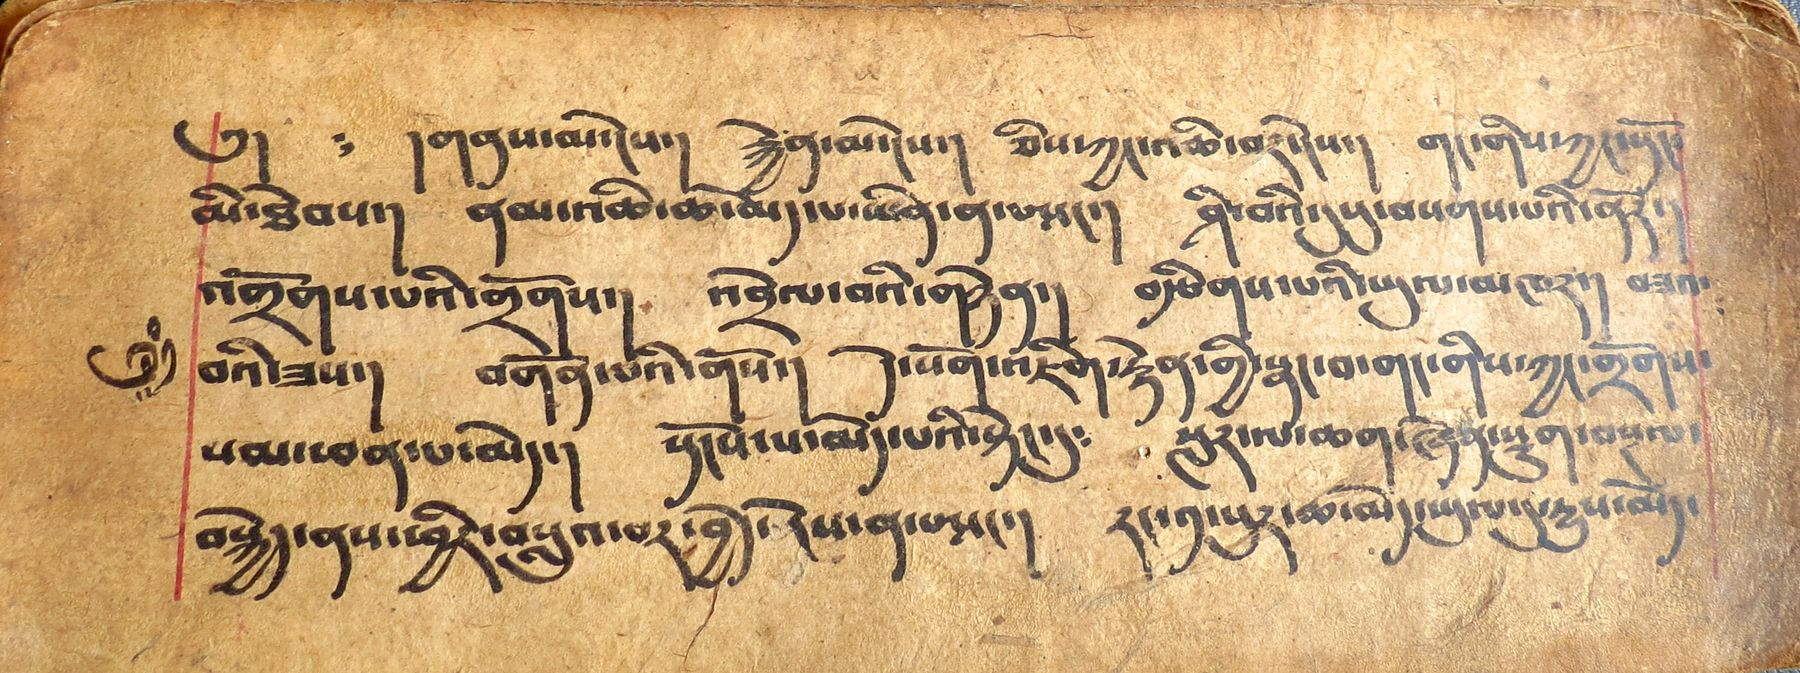གནས་མ་ངེས། རྐྱེན་མ་ངེས། ཅིས་ཀྱང་འཆི་བར་ངེས། གང་གིས་ཀྱང་སྡོང་
མི་ཐེབས། ནམ་འཆི་ཆ་མེད་པ་ཅིག་མིན་ན་ཨང་། ཤི་བའི་དུས་སུ་བསགས་པའི་ནོར། 
འགྲོགས་པའི་གྲོགས། འབྲེལ་བའི་གཉེན། བརྩིགས་པའི་མཁར། བཟའ་
བའི་ཟས། གོན་པའི་གོས། དེ་སོགས་འཇིག་རྟེན་སྣང་བ་གང་གིས་ཀྱང་གྲོགས་
སམ་ཕན་པ་མེད། བསླུ་བར་བྱེད་ངེས་ན་ཨང་། སྡོང་པ་མེད་པའི་སྟེང་དུ། སླར་ལ་ཆགས་ཞེན་སྡུག་བསྔལ་
བསྐྱེད་ནས། ཕྱིར་བསླུ་བར་བྱེད་ངེས་ན་ཨང་། རང་གཅིག་པུར་ཆ་མེད་ཡུལ་དུ་རྒྱུས་མེད་